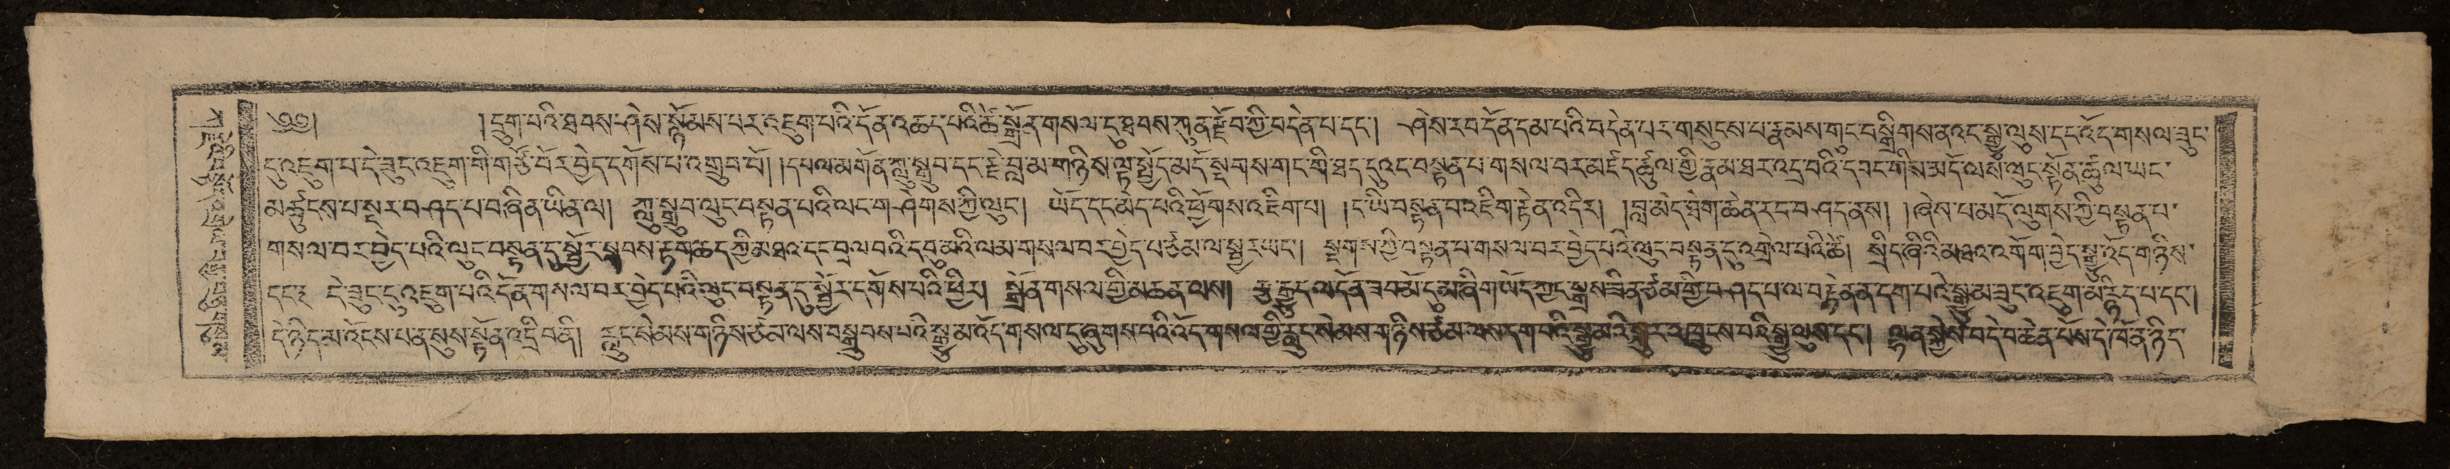༄༅། །པའི་ཐབས་ཤེས་སྙོམས་པར་འཇུག་པའི་དོན་འཆད་པའི་ཚེ་སྒྲོན་གསལ་དུ་ཐབས་ཀུན་རྫོབ་ཀྱི་བདེན་པ་དང་། ཤེས་རབ་དོན་དམ་པའི་བདེན་པར་གསུངས་པ་རྣམས་གུང་བསྒྲིགས་ནའང་སྒྱུ་ལུས་དང་འོད་གསལ་ཟུར་
དུ་འཇུག་པ་དེ་ཟུང་འཇུག་གི་གཙོ་བོར་བྱེད་དགོས་པ་འགྲུབ་བོ། །དཔལ་མགོན་ཀླུ་སྒྲུབ་དང་རྗེ་བླ་མ་གཉིས་ལྟ་སྤྱོད་མདོ་སྔགས་གང་གི་ཐད་དུའང་བསྟན་པ་གསལ་བར་མཛད་ཚུལ་གྱི་རྣམ་ཐར་འདྲ་བའི་དབང་གིས་མདོ་ལས་ལུང་སྟོན་ཚུལ་ཡང་
མཚུངས་པ་སྔར་བཤད་པ་བཞིན་ཡིན་ལ། ཀླུ་སྒྲུབ་ལུང་བསྟན་པའི་ལང་གཤེགས་ཀྱི་ལུང་། ཡོད་དང་མེད་པའི་ཕྱོགས་འཇིག་པ། །ང་ཡི་བསྟན་པ་འཇིག་རྟེན་འདིར། །བླ་མེད་ཐེག་ཆེན་རབ་བཤད་ནས། །ཞེས་པ་མདོ་ལུགས་ཀྱི་བསྟན་པ་
གསལ་བར་བྱེད་པའི་ལུང་བསྟན་དུ་སྦྱོར་སྐབས་རྟག་ཆད་ཀྱི་མཐའ་དང་བྲལ་བའི་དབུ་མའི་ལམ་གསལ་བར་བྱེད་པ་ཙམ་ལ་སྦྱར་ཡང་། སྔགས་ཀྱི་བསྟན་པ་གསལ་པར་བྱེད་པའི་ལུང་བསྟན་དུ་འགྲེལ་བའི་ཚེ། སྲིད་ཞིའི་མཐའ་འགོག་བྱེད་སྒྱུ་འོད་གཉིས་
དང་། དེ་ཟུང་དུ་འཇུག་པའི་དོན་གསལ་པར་བྱེད་པའི་ལུང་བསྟན་དུ་སྦྱོར་དགོས་པའི་ཕྱིར། སྒྲོན་གསལ་གྱི་མཆན་ལས། རྩ་རྒྱུད་ལ་དོན་ཟབ་མོ་དུམ་ཞིག་ཡོད་ཀྱང་སྒྲས་ཟིན་ཙམ་གྱི་བཤད་པ་ལ་བརྟེན་ན་དག་བའི་སྒྱུ་མ་ཟུང་འཇུག་མ་རྙེད་པ་དང་།
དེ་ཉིད་མ་འོངས་པ་ནསུས་སྟོན་འདྲི་བ་ནི། རླུང་སེམས་གཉིས་ཙམ་ལས་བསྒྲུབས་པའི་སྒྱུ་མ་འོད་གསལ་དུ་ཞུགས་པའི་འོད་གསལ་གྱི་རླུང་སེམས་གཉིས་ཙམ་ལས་དག་བའི་སྒྱུ་མའི་སྐུར་འཁྲུངས་བའི་སྒྱུ་ལུས་དང་། ལྷན་སྐྱེས་བདེ་བ་ཆེན་པོས་དེ་ཁོ་ན་ཉིད་